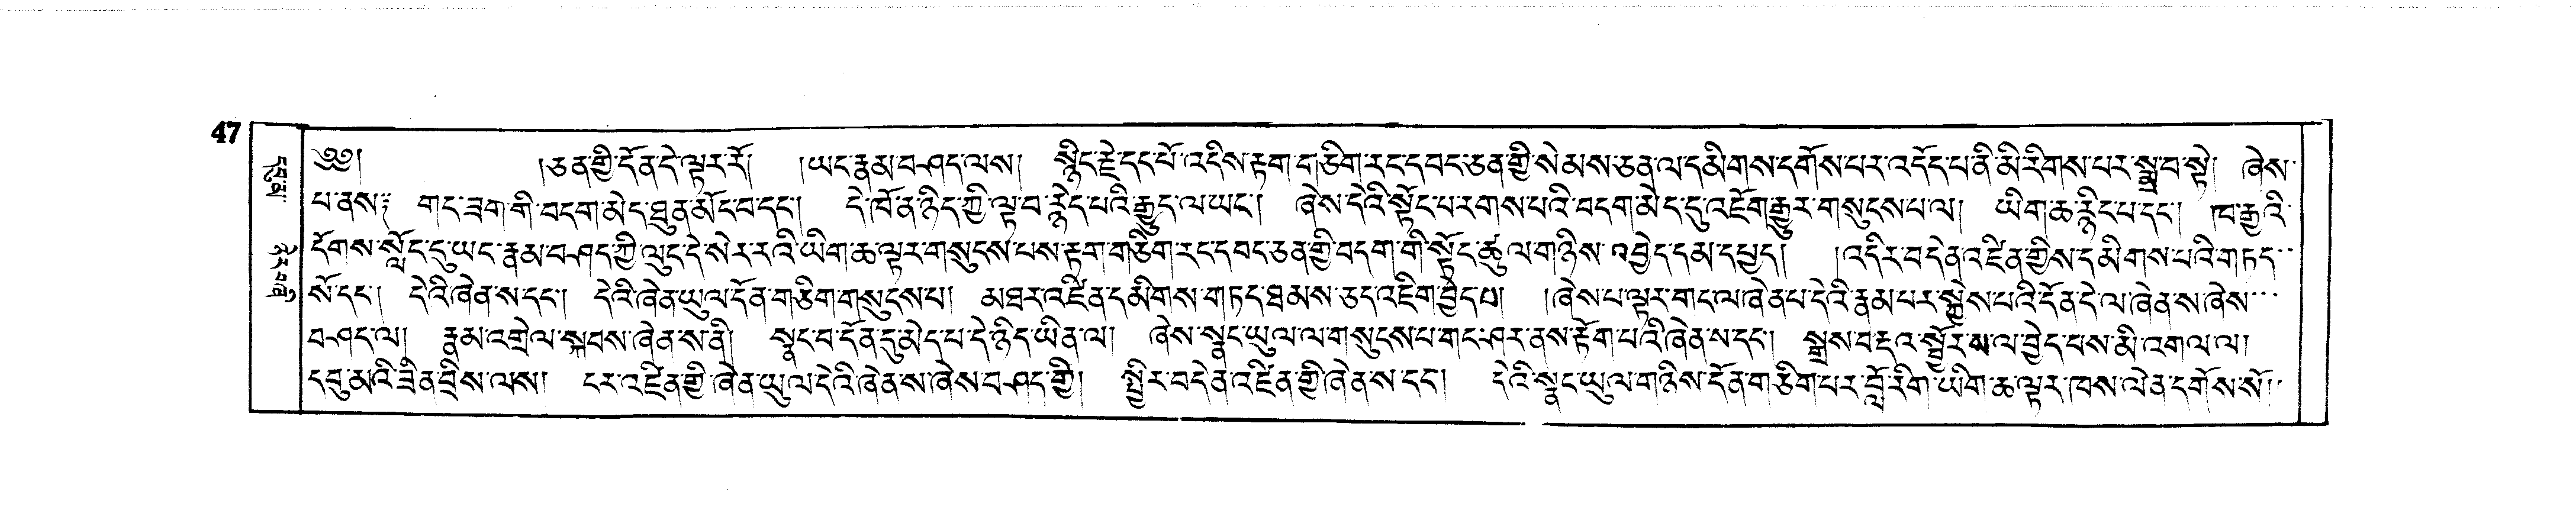༄༅། །ཅན་གྱི་དོན་དེ་ལྟར་རོ། །ཡང་རྣམ་བཤད་ལས། སྙིང་རྗེ་དང་པོ་འདིས་རྟག་གཅིག་རང་དབང་ཅན་གྱི་སེམས་ཅན་ལ་དམིགས་དགོས་པར་འདོད་པ་ནི་མི་རིགས་པར་སྨྲ་བ་སྟེ། ཞེས་
པ་ནས། གང་ཟག་གི་བདག་མེད་ཐུན་མོང་བ་དང་། དེ་ཁོ་ན་ཉིད་ཀྱི་ལྟ་བ་རྙེད་པའི་རྒྱུད་ལ་ཡང་། ཞེས་དེའི་སྟོང་པ་རགས་པའི་བདག་མེད་དུ་འཇོག་རྒྱུར་གསུངས་པ་ལ། ཡིག་ཆ་རྙིང་པ་དང་། ཁ་རྒྱའི་
དོགས་སློང་དུ་ཡང་རྣམ་བཤད་ཀྱི་ལུང་དེ་སེར་རའི་ཡིག་ཆ་ལྟར་གསུངས་པས་རྟག་གཅིག་རང་དབང་ཅན་གྱི་བདག་གི་སྟོང་ཚུལ་གཉིས་འབྱེད་དམ་དཔྱད། །འདིར་བདེན་འཛིན་གྱིས་དམིགས་པའི་གཏད་
སོ་དང་། དེའི་ཞེན་ས་དང་། དེའི་ཞེན་ཡུལ་དོན་གཅིག་གསུངས་པ། མཐར་འཛིན་དམིགས་གཏད་ཐམས་ཅད་འཇིག་བྱེད་པ། །ཞེས་པ་ལྟར་གང་ལ་ཞེན་པ་དེའི་རྣམ་པར་སྐྱེས་པའི་དོན་དེ་ལ་ཞེན་ས་ཞེས་
བཤད་ལ། རྣམ་འགྲེལ་སྐབས་ཞེན་ས་ནི། སྣང་བ་དོན་དུ་མེད་པ་དེ་ཉིད་ཡིན་ལ། ཞེས་སྣང་ཡུལ་ལ་གསུངས་པ་གང་ཤར་ནས་རྟོག་པའི་ཞེན་ས་དང་། སྒྲས་བ་རྡའ་སྦྱོར་ས་ལ་བྱེད་པས་མི་འགལ་ལ།
དབུ་མའི་ཟིན་བྲིས་ལས། ངར་འཛིན་གྱི་ཞེས་ཡུལ་དེའི་ཞེན་ས་ཞེས་བཤད་གྱི། སྤྱིར་བདེན་འཛིན་གྱི་ཞེན་ས་དང་། དེའི་སྣང་ཡུལ་གཉིས་དོན་གཅིག་པར་བློ་རིག་ཡིག་ཆ་ལྟར་ཁས་ལེན་དགོས་སོ། །